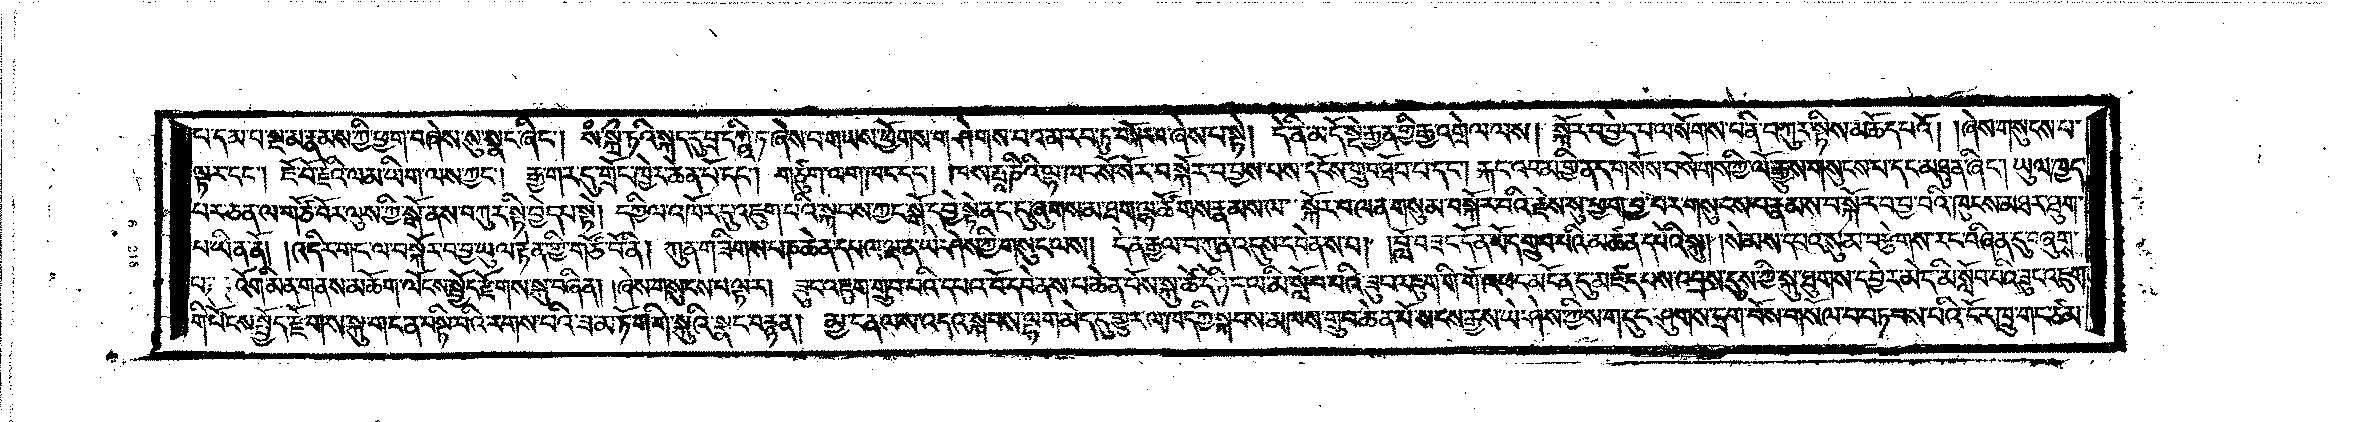པ་དམ་པ་སྔ་མ་རྣམས་ཀྱི་ཕྱག་བཞེས་སུ་སྣང་ཞིང་། སཾ་སྐྲྀ་ཏའི་སྐྲད་དུ་པྲདཀྵི་ཏ་ཞེས་པ་གཡས་ཕྱོགས་གཤེགས་པའམ་རབ་ཏུ་བསྐོར་བ་ཞེས་པ་སྟེ། དེ་ནི་མདོ་སྡེ་རྒྱན་གྱི་རྒྱ་འགྲེལ་ལས། སྐོར་བ་བྱེད་པ་ལ་སོགས་པ་ནི་བཀུར་སྟིས་མཆོད་པའོ། །ཞེས་གསུངས་པ་
ལྟར་དང་། ཇོ་བོ་རྗེའི་ལམ་ཡིག་ལས་ཀྱང་། རྒྱ་གར་དུ་གྲོང་ཁྱེར་ཆེན་པོ་དང་། གཙུག་ལག་ཁང་དང་། ཁས་རྦཱ་ཎིའི་ལྷ་ཁང་སོ་སོར་བསྐོར་བ་བྱས་པས་དངོས་གྲུབ་ཐོབ་པ་དང་། རྐང་འབམ་གྱི་ནད་གསོས་པ་སོགས་ཀྱི་ལོ་རྒྱུས་གསུངས་པ་དང་མཐུན་ཞིང་། ཡུལ་ཁྱད་
པར་ཅན་ལ་གཙོ་བོར་ལུས་ཀྱི་སྒོ་ནས་བསྐུར་སྟི་བྱེད་པ་སྟེ། དཀྱིལ་འཁོར་དུ་འཇུག་པའི་སྐབས་ཀྱང་སྒོ་དབྱེ་སྟེ་ནང་དུ་ཞུགས་མ་ཐག་ལྷ་ཚོགས་རྣམས་ལ་སྐོར་བ་ལན་གསུམ་བསྐོར་བའི་རྗེས་སུ་ཕྱག་བྱ་བར་གསུངས་པ་རྣམས་བསྐོར་བ་བྱ་བའི་ཁུངས་མཐར་ཐུག་
པ་ཡིན་ནོ། །འདིར་གང་ལ་བསྐོར་བ་བྱ་ཡུལ་རྟེན་གྱི་གཙོ་བོ་ནི། ཀུན་གཟིགས་པཎ་ཆེན་དཔལ་ལྡན་ཡེ་ཤེས་ཀྱི་གསུང་ལས། དེ་ན་རྒྱལ་བ་ཀུན་འདུས་དབེན་ས་བ། །བློ་བཟང་དོན་ཡོད་གྲུབ་པའི་མཚན་དཔེའི་སྐུ། །སེམས་དཔའ་སུམ་བརྩེགས་རང་བཞིན་དུ་བཞུགས་
པ༑ ༑འོག་མིན་གནས་མཆོག་ལོངས་སྤྱོད་རྫོགས་སྐུ་བཞིན། །ཞེས་གསུངས་པ་ལྟར། ཟུང་འཇུག་གྲུབ་པའི་དཔའ་བོ་དབེན་ས་པ་ཆེན་པོས་སྐུ་ཚེ་དེ་ཉིད་ལ་མི་སློབ་པའི་ཟུང་འཇུག་གི་གོ་འཕང་མངོན་དུ་མཛད་པས་འབྲས་དུས་ཀྱི་སྐུ་ཐུགས་དབྱེར་མེད་མི་སློབ་པའི་ཟུང་འཇུག་
གི་པོངས་སྤྱོད་རྫོགས་སྐུ་གང་ན་བསྟི་བའི་རགས་པའི་ཟ་མ་ཏོག་གི་སྐུའི་སྣང་བརྙན། མྱ་ངན་ལས་འདའ་སྐབས་ལྷག་མེད་དུ་གྱུར་ལ་ཁད་ཀྱི་སྐབས་མཁས་གྲུབ་ཆེན་པོ་སངས་རྒྱས་ཡེ་ཤེས་ཀྱིས་གདུང་ཤུགས་དྲག་པོས་གསོལ་བ་བཏབས་པའི་ངོར་ཁྲུ་གང་ཙམ་